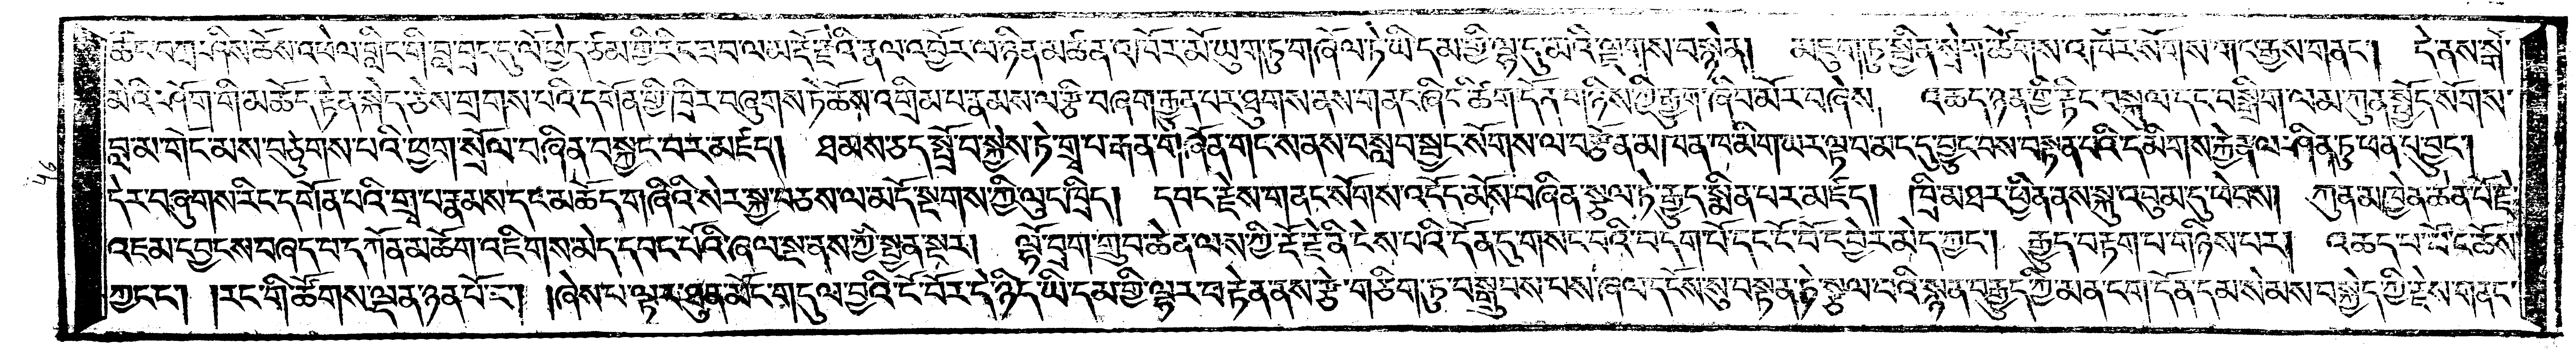ཚང་བཀྲ་ཤིས་ཆོས་འཕེལ་གླིང་གི་བླ་བྲང་དུ་ལོ་ཕྱེད་ཙམ་གྱི་རིང་ཟབ་ལམ་རྡོ་རྗེའི་རྣལ་འབྱོར་ལ་ཉིན་མཚན་འཁོར་མོ་ཡུག་ཏུ་གཞོལ་ཏེ་ཡི་དམ་གྱི་ལྷ་དུ་མའི་ལྗགས་བསྙེན། མཇུག་ཏུ་སྦྱིན་སྲེག་ཚོགས་འཁོར་སོགས་གང་རྒྱས་གནང་། དེ་ནས་སྒོ་
མེའི་ཤོག་གི་མཆོད་རྟེན་སྐེད་ཅེས་གྲགས་བའི་དགོན་གྱི་ཁྲིར་བཞུགས་ཏེ་ཆོས་འགྲིམ་པ་རྣམས་ལ་རྩི་བཞག་རྒྱུན་པར་ཐུགས་ནས་གནང་ཞིང་ཚིག་དོན་གཉིས་ཀྱི་རྒྱུག་ཞིབ་མོར་བཞེས། འཆད་ཉན་གྱི་རྟིང་བསྐུལ་དང་བསྒྲིག་ལམ་ཀུན་སྤྱོད་སོགས་
བླ་མ་གོང་མས་བཙུགས་པའི་ཕྱག་སྲོལ་བཞིན་བསྐྱང་བར་མཛད། ཐམས་ཅད་སྤྲོ་བ་སྐྱེས་ཏེ་གྲྭ་པ་རྒན་གཞོན་གང་ས་ནས་བསླབ་སྦྱང་སོགས་ལ་བརྩོན་མཁན་ཁ་མིག་ཡར་ལྟ་བ་མང་དུ་བྱུང་བས་བསྟན་པའི་དམིགས་རྐྱེན་ལ་ཤིན་ཏུ་ཕན་པ་བྱུང་།
དེར་བཞུགས་རིང་དགོན་པའི་གྲྭ་པ་རྣམས་དང་མཆོད་གཞིའི་སེར་སྐྱ་བཅས་ལ་མདོ་སྔགས་ཀྱི་ལུང་ཁྲིད། དབང་རྗེས་གནང་སོགས་འདོད་མོས་བཞིན་སྩལ་ཏེ་རྒྱུད་སྨིན་པར་མཛད། ཁྲི་མཐར་ཕྱིན་ནས་སྐུ་འབུམ་དུ་ཕེབས། ཀུན་མཁྱེན་ཆེན་པོ་རྗེ་
འཇམ་དབྱངས་བཞད་པ་དཀོན་མཆོག་འཇིགས་མེད་དབང་པོའི་ཞལ་སྔ་ནས་ཀྱི་སྤྱན་སྔར། ལྷོ་བྲག་གྲུབ་ཆེན་ལས་ཀྱི་རྡོ་རྗེ་ནི་ངེས་པའི་དོན་དུ་གསང་བའི་བདག་པོ་དང་ངོ་བོ་དབྱེར་མེད་ཀྱང་། རྒྱུད་བརྟག་པ་གཉིས་པར། འཆད་པ་པོ་ང་ཆོས་
ཀྱང་ང་། །རང་གི་ཚོགས་ལྡན་ཉན་བོ་ང་། །ཞེས་པ་ལྟར་ཐུན་མོང་གདུལ་བྱའི་ངོ་བོར་དེ་ཉིད་ཡི་དམ་གྱི་ལྷར་བརྟེན་ནས་རྩེ་གཅིག་ཏུ་བསྒྲུབས་པས་ཞལ་དངོས་སུ་བསྟན་ཏེ་སྩལ་བའི་སྙན་བརྒྱུད་ཀྱི་མན་ངག་དོན་དམ་སེམས་བསྐྱེད་ཀྱི་རྗེས་གནང་